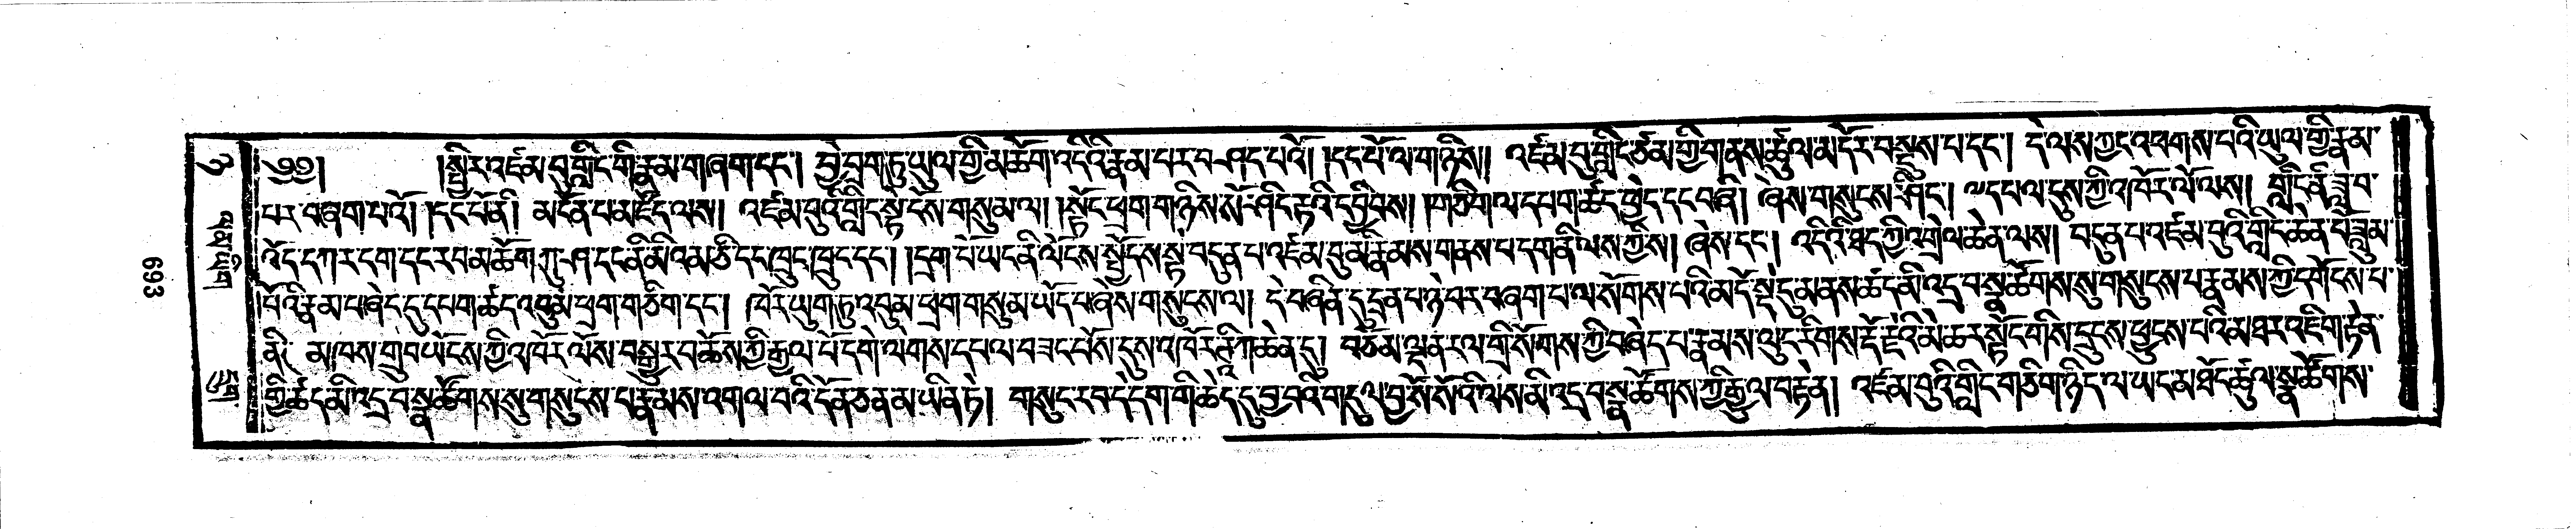༄༅། །སྤྱིར་འཛམ་བུ་གླིང་གི་རྣམ་གཞག་དང་། བྱེ་བྲག་ཏུ་ཡུལ་གྱི་མཆོག་འདིའི་རྣམ་པར་བཤད་པའོ། །དང་པོ་ལ་གཉིས། འཛམ་བུ་གླིང་ཙམ་གྱི་གནས་ཚུལ་མདོར་བསྡུས་པ་དང་། དེ་ལས་ཀྱང་འཕགས་པའི་ཡུལ་གྱི་རྣམ་
པར་བཞག་པའོ། །དང་པོ་ནི། མངོན་པ་མཛོད་ལས། འཛམ་བུའི་གླིང་སྟེ་ངོས་གསུམ་ལ། །སྟོང་ཕྲག་གཉིས་སོ་ཤིང་རྟའི་དབྱིབས། །གཅིག་ལ་དཔག་ཚང་ཕྱེད་དང་བཞི། ཞེས་གསུངས་ཤིང་། ༧དཔལ་དུས་ཀྱི་འཁོར་ལོ་ལས། གླིང་ནི་ཟླ་བ་
འོད་དཀར་ངག་དང་རབ་མཆོག་ཀུ་ཤ་དང་ནི་མིའམ་ཅི་དང་ཁྲུང་ཁྲུང་དང་། །དྲག་པོ་ཡང་ནི་ལོངས་སྤྱོད་ས་སྟེ་བདུན་པ་འཛམ་བུ་མི་རྣམས་གནས་པ་དག་ནི་ལས་ཀྱི་ས། ཞེས་དང་། འདིའི་ཐད་ཀྱི་འགྲེལ་ཆེན་ལས། བདུན་པ་འཛམ་བུའི་གླིང་ཆེན་པོ་ཟླུམ་
པོའི་རྣམ་པ་ཞེང་དུ་དཔག་ཚད་འབུམ་ཕྲག་གཅིག་དང་། ཁོར་ཡུག་ཏུ་འབུམ་ཕྲག་གསུམ་ཡོད་པ་ཞེས་གསུངས་ལ། དེ་བཞིན་དུ་དྲན་པ་ཉེ་བར་བཞག་པ་ལ་སོགས་པའི་མདོ་སྡེ་དུ་མ་ནས་ཚད་མི་འདྲ་བ་སྣ་ཚོགས་སུ་གསུངས་པ་རྣམས་ཀྱི་དགོངས་པ་
ནི༑ མཁས་གྲུབ་ཡོངས་ཀྱི་འཁོར་ལོས་བསྒྱུར་བ་ཆོས་ཀྱི་རྒྱལ་པོ་དགེ་ལེགས་དཔལ་བཟང་པོས་དུས་འཁོར་ཊཱིཀ་ཆེན་དུ། བཅོམ་ལྡན་རལ་གྲི་སོགས་ཀྱི་བཞེད་པ་རྣམས་ལུང་རིགས་རྡོ་རྗེའི་མེ་ཆར་སྟོང་གིས་དྲུངས་ཕྱུངས་པའི་མཐར་འཇིག་རྟེན་
གྱི་ཚད་མི་འདྲ་བ་སྣ་ཚོགས་སུ་གསུངས་པ་རྣམས་འགལ་བའི་དོན་ཅན་མ་ཡིན་ཏེ། གསུང་རབ་དེ་དག་གི་ཆེད་དུ་བྱ་བའི་གདུལ་བྱ་སོ་སོའི་ལས་མི་འདྲ་བ་སྣ་ཚོགས་ཀྱི་རྒྱུལ་བརྟེན། འཛམ་བུའི་གླིང་གཅིག་ཉིད་ལ་ཡང་མཐོང་ཚུལ་སྣ་ཚོགས་